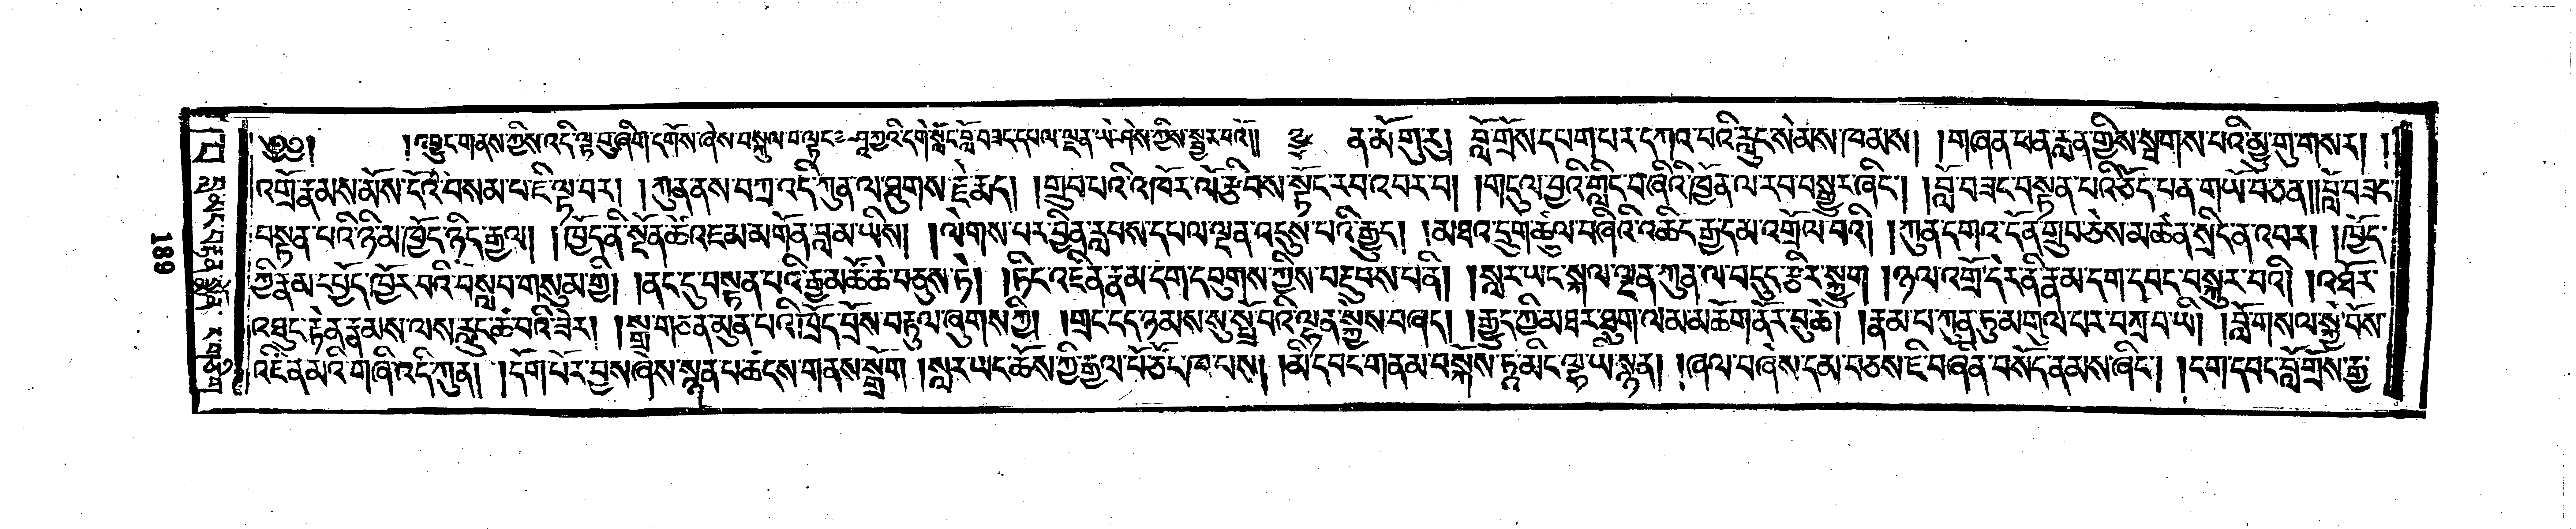༄༅། །འབྱུང་གནས་ཀྱིས་འདི་ལྟ་བུ་ཞིག་དགོས་ཞེས་བསྐུལ་བ་ལྟང་༧་ཤཱཀྱའི་དགེ་སློང་བློ་བཟང་དཔལ་ལྡན་ཡེ་ཤེས་ཀྱིས་སྦྱར་བའོ།། ༈ ན་མོ་གུ་རུ། བློ་གྲོས་དཔག་པར་དཀའ་བའི་རླུང་སེམས་ཁམས། །གཞན་ཕན་རླན་གྱིས་སྤགས་པའི་མྱུ་གུ་གསར། །
འགྲོ་རྣམས་མོས་ངོའི་བསམ་པ་ཇི་ལྟ་བར། །ཀུན་ནས་བཀྲ་འདི་ཀུན་ལ་ཐུགས་རྗེ་རྨད། །གྲུབ་པའི་འཁོར་ལོ་རྩིབས་སྟོང་རབ་འབར་བ། །གདུལ་བྱའི་གླིང་བཞིའི་ཁྱོན་ལ་རབ་བསྒྱུར་ཞིང་། །བློ་བཟང་བསྟན་པའི་ཅོད་པན་གཡོ་བ་ཅན། །བློ་བཟང་
བསྟན་པའི་ཉི་མ་ཁྱོད་ཉིད་རྒྱལ། །ཁྱོད་ནི་སྔོན་ཚེ་འཇམ་མགོན་བླ་མ་ཡིས། །ལེགས་པར་བྱིན་རླབས་དཔལ་ལྡན་འདུས་པའི་རྒྱུད། །མཐའ་དྲུག་ཚུལ་བཞིའི་འཆིང་རྒྱ་དམ་འགྲོལ་བའི། །ཀུན་དགའ་དོན་གྲུབ་ཅེས་མཚན་སྲིད་ན་འབར། །ཁྱོད་
ཀྱི་རྣམ་དཔྱོད་ཁྱོར་བའི་བསླབ་གསུམ་གྱི། །ནང་དུ་བསྟན་པའི་རྒྱ་མཚོ་ཆེ་བཅུས་ཏེ། །ཏིང་འཛིན་རྣམ་དག་དབུགས་ཀྱིས་བརྡུབས་པ་ནི། །སླར་ཡང་སྐལ་ལྡན་ཀུན་ལ་བདུད་རྩིར་སྐྱུག །ཉལ་འགྲོ་དེར་ནི་རྣམ་དག་དབང་བསྐུར་བའི། །འཐོར་
འཐུང་རྟེན་རྣམས་ལས་རླུང་ཚ་བའི་ཟེར། །སྒྲ་གཅན་མུན་པའི་ཁྲོད་བྲོས་བརྟུལ་ཞུགས་ཀྱི། །གྲང་དང་ཉམས་སུ་སྤྲོ་པའི་ལྷན་སྐྱེས་བཞད། །རྒྱུད་ཀྱི་མཐར་ཐུག་ལམ་མཆོག་ནོར་བུ་ཆེ། །རྣམ་པ་ཀུན་ཏུ་མགུལ་བར་བཀྲ་པ་ཡི། །བློ་གསལ་སྐྱེ་བོས་
འཛིན་མའི་གཞི་འདི་ཀུན། །དོག་པོར་བྱས་ཞེས་སྙན་པ་ཚངས་གནས་སྒྲོག །སླར་ཡང་ཆོས་ཀྱི་རྒྱལ་པོ་ཙོང་ཁ་པས། །མི་དབང་གནམ་བསྐོས་ཏཱ་མིང་ལྷ་ཡི་སྙན། །ཞལ་བཞེས་དམ་བཅས་ཇི་བཞིན་བསོད་ནམས་ཞིང་། །ངག་དབང་བློ་གྲོས་རྒྱ་